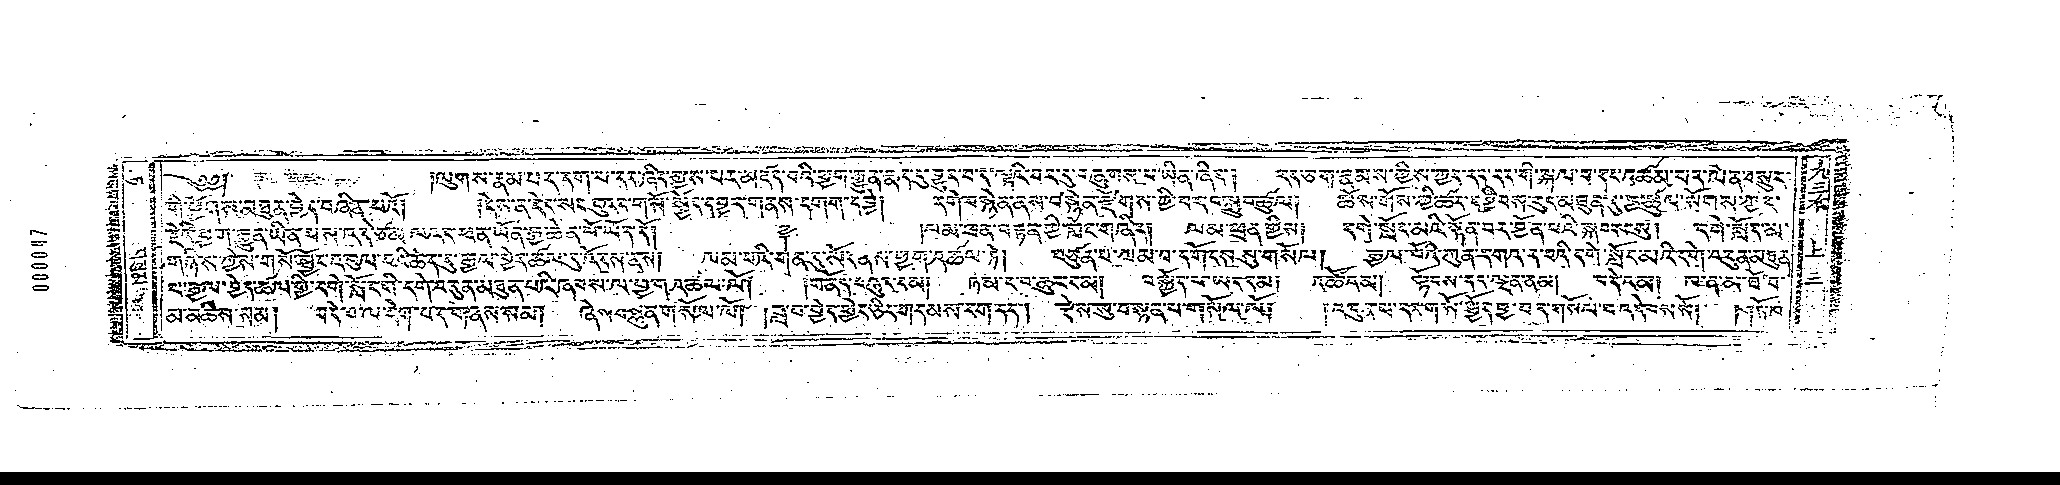༄༅། །ལུགས་རྣམ་པར་དག་པ་དར་ཞིང་རྒྱས་པར་མཛད་པའི་ཕྱག་རྒྱུན་རྨད་དུ་བྱུང་བ་ད་ལྟའི་བར་དུ་བཞུགས་པ་ཡིན་ཞིང་། རང་ཅག་རྣམས་ཀྱིས་ཀྱང་རང་རང་གི་སྐལ་བ་དང་འཚམ་བར་ལེན་བསྲུང་
གི་ཕྱོགས་མཐུན་བྱེད་བཞིན་པའོ། །དེས་ན་དེང་སང་དུའང་གསོ་སྦྱོང་དབྱར་གནས་དགག་དབྱེ། དགེ་བསྙེན་ནས་བསྙེན་རྫོགས་ཀྱི་བར་བསྒྲུབ་ཚུལ། ཆོས་གོས་ཀྱི་ཚད་དབྱིབས་རུང་མཐུན་དུ་བྱ་ཚུལ་སོགས་ཀྱང་
རྗེའི་ཕྱག་རྒྱུན་ཡིན་པས་འདི་ཙམ་ལའང་ཕན་ཡོན་རྒྱ་ཆེན་པོ་ཡོད་དོ། ༈ །ལམ་ཕྲན་བརྟན་གྱི་གླེང་གཞིར། ལམ་ཕྲན་ཀྱིས། དགེ་སློང་མའི་སྟོན་པར་བྱོན་པའི་སྐབས་སུ། དགེ་སློང་མ་
གཉིས་ཀྱིས་གསོ་སྦྱོང་འབུལ་བའི་ཆེད་དུ་རྒྱལ་བྱེད་ཚལ་དུ་འོངས་ནས། ལམ་པའི་གན་དུ་སོང་ནས་ཕྱག་འཚལ་ཏེ། བཙུན་པ་ལམ་པ་དགོངས་སུ་གསོལ། རྒྱལ་པོའི་ཀུན་དགའ་ར་བའི་དགེ་སློང་མའི་དགེ་འདུན་མཐུན་
པ་རྒྱལ་བྱེད་ཚལ་གྱི་དགེ་སློང་གི་དགེ་འདུན་མཐུན་པའི་ཞབས་ལ་ཕྱག་འཚལ་ལོ། །གནོད་པ་ཉུད་དམ། ཉམ་ད་བ་ཆུད་དམ། བསྐྱོད་པ་ཡང་དམ། འཚོའམ། སྟོབས་དང་ལྡན་ནམ། བདེའམ། ཁ་ན་མ་ཐོབ་
མ་མཆིས་སམ། བདེ་བ་ལ་རེག་པར་གནས་སམ། ཞེས་བསྙུན་གསོལ་ལོ། །ཟླ་བ་ཕྱེད་ཕྱེད་ཅིང་གདམས་དག་དང་། རྗེས་སུ་བསྟན་པ་གསོལ་ལོ། །འདུན་པ་དང་གསོ་སྦྱོང་བྱ་བར་གསོལ་བ་འདེབས་སོ། །གསོལ་